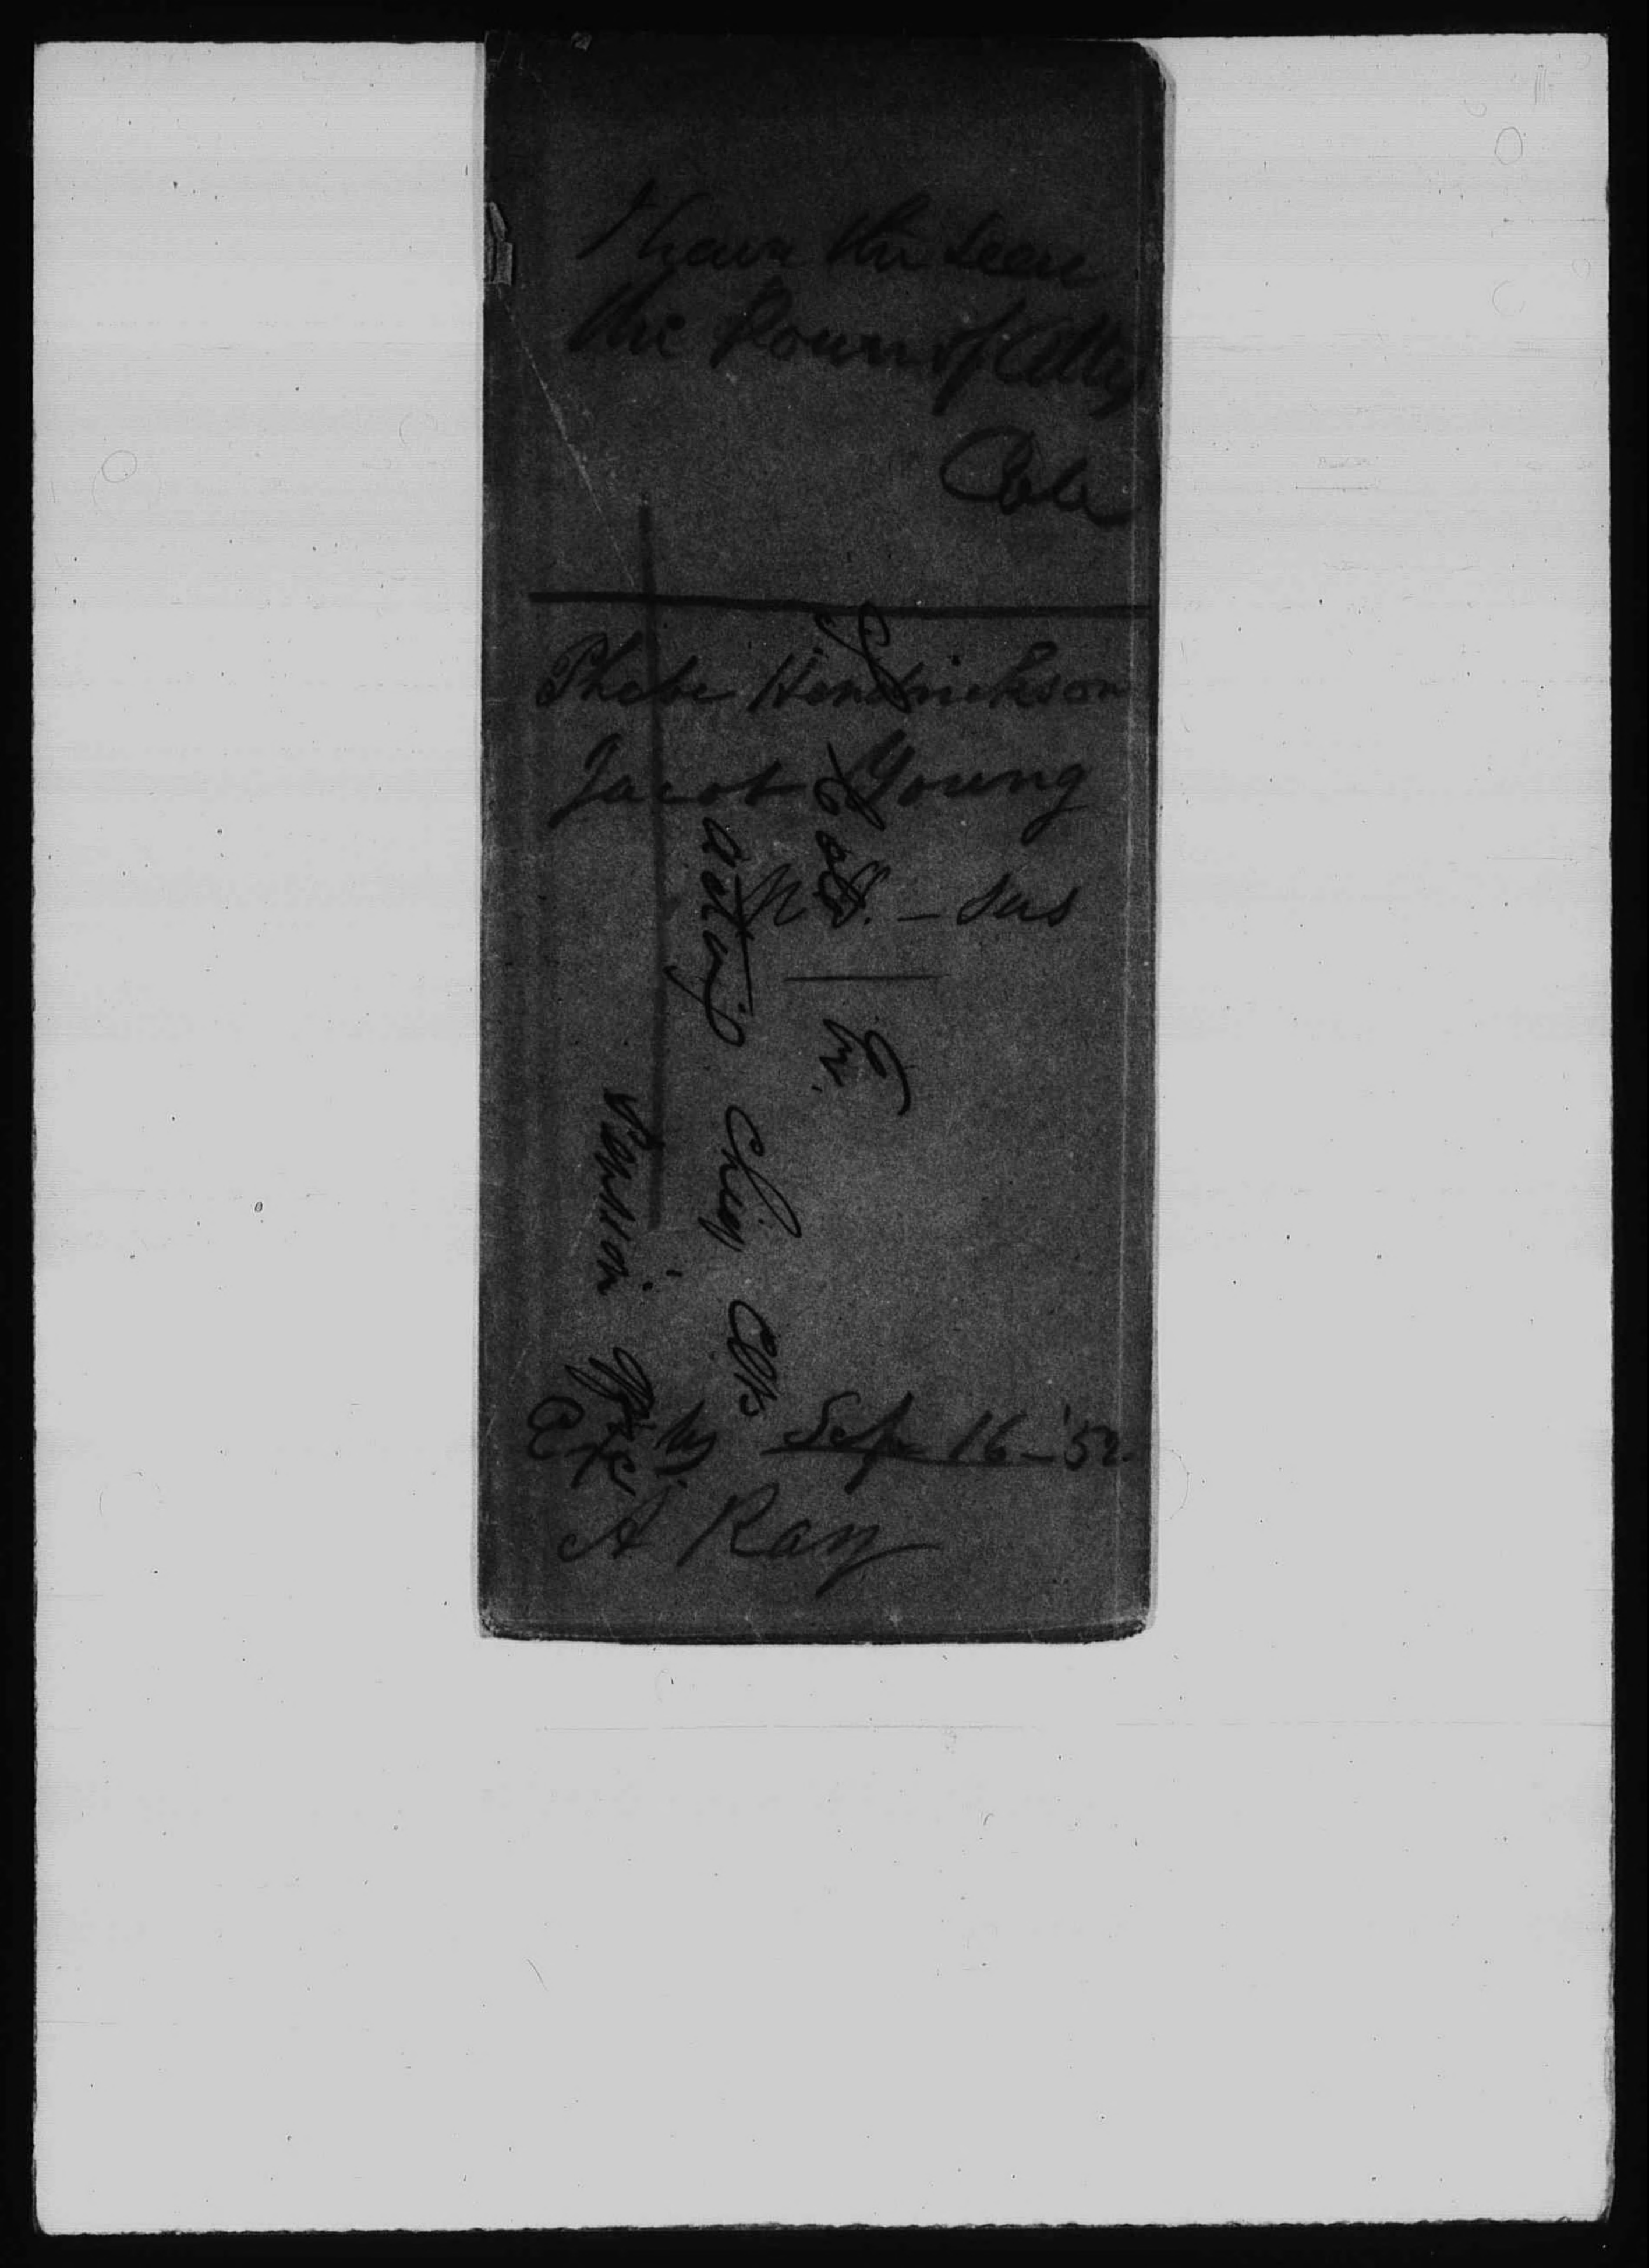I have the [Illegible] 
the Power of Atty
Cole

Phebe Hendrickson
Jacob Young

N. J. Sus

Sept. 16 '52
Exc. by A. Ray

L Cole Esq.
Acting Chief Clk
Pension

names: Phebe Hendrickson, T Cole, Cole, A Ray, Jacob Young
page: 16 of 20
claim: rejected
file: R. 4884, Benjamin Hendrickson, New Jersey